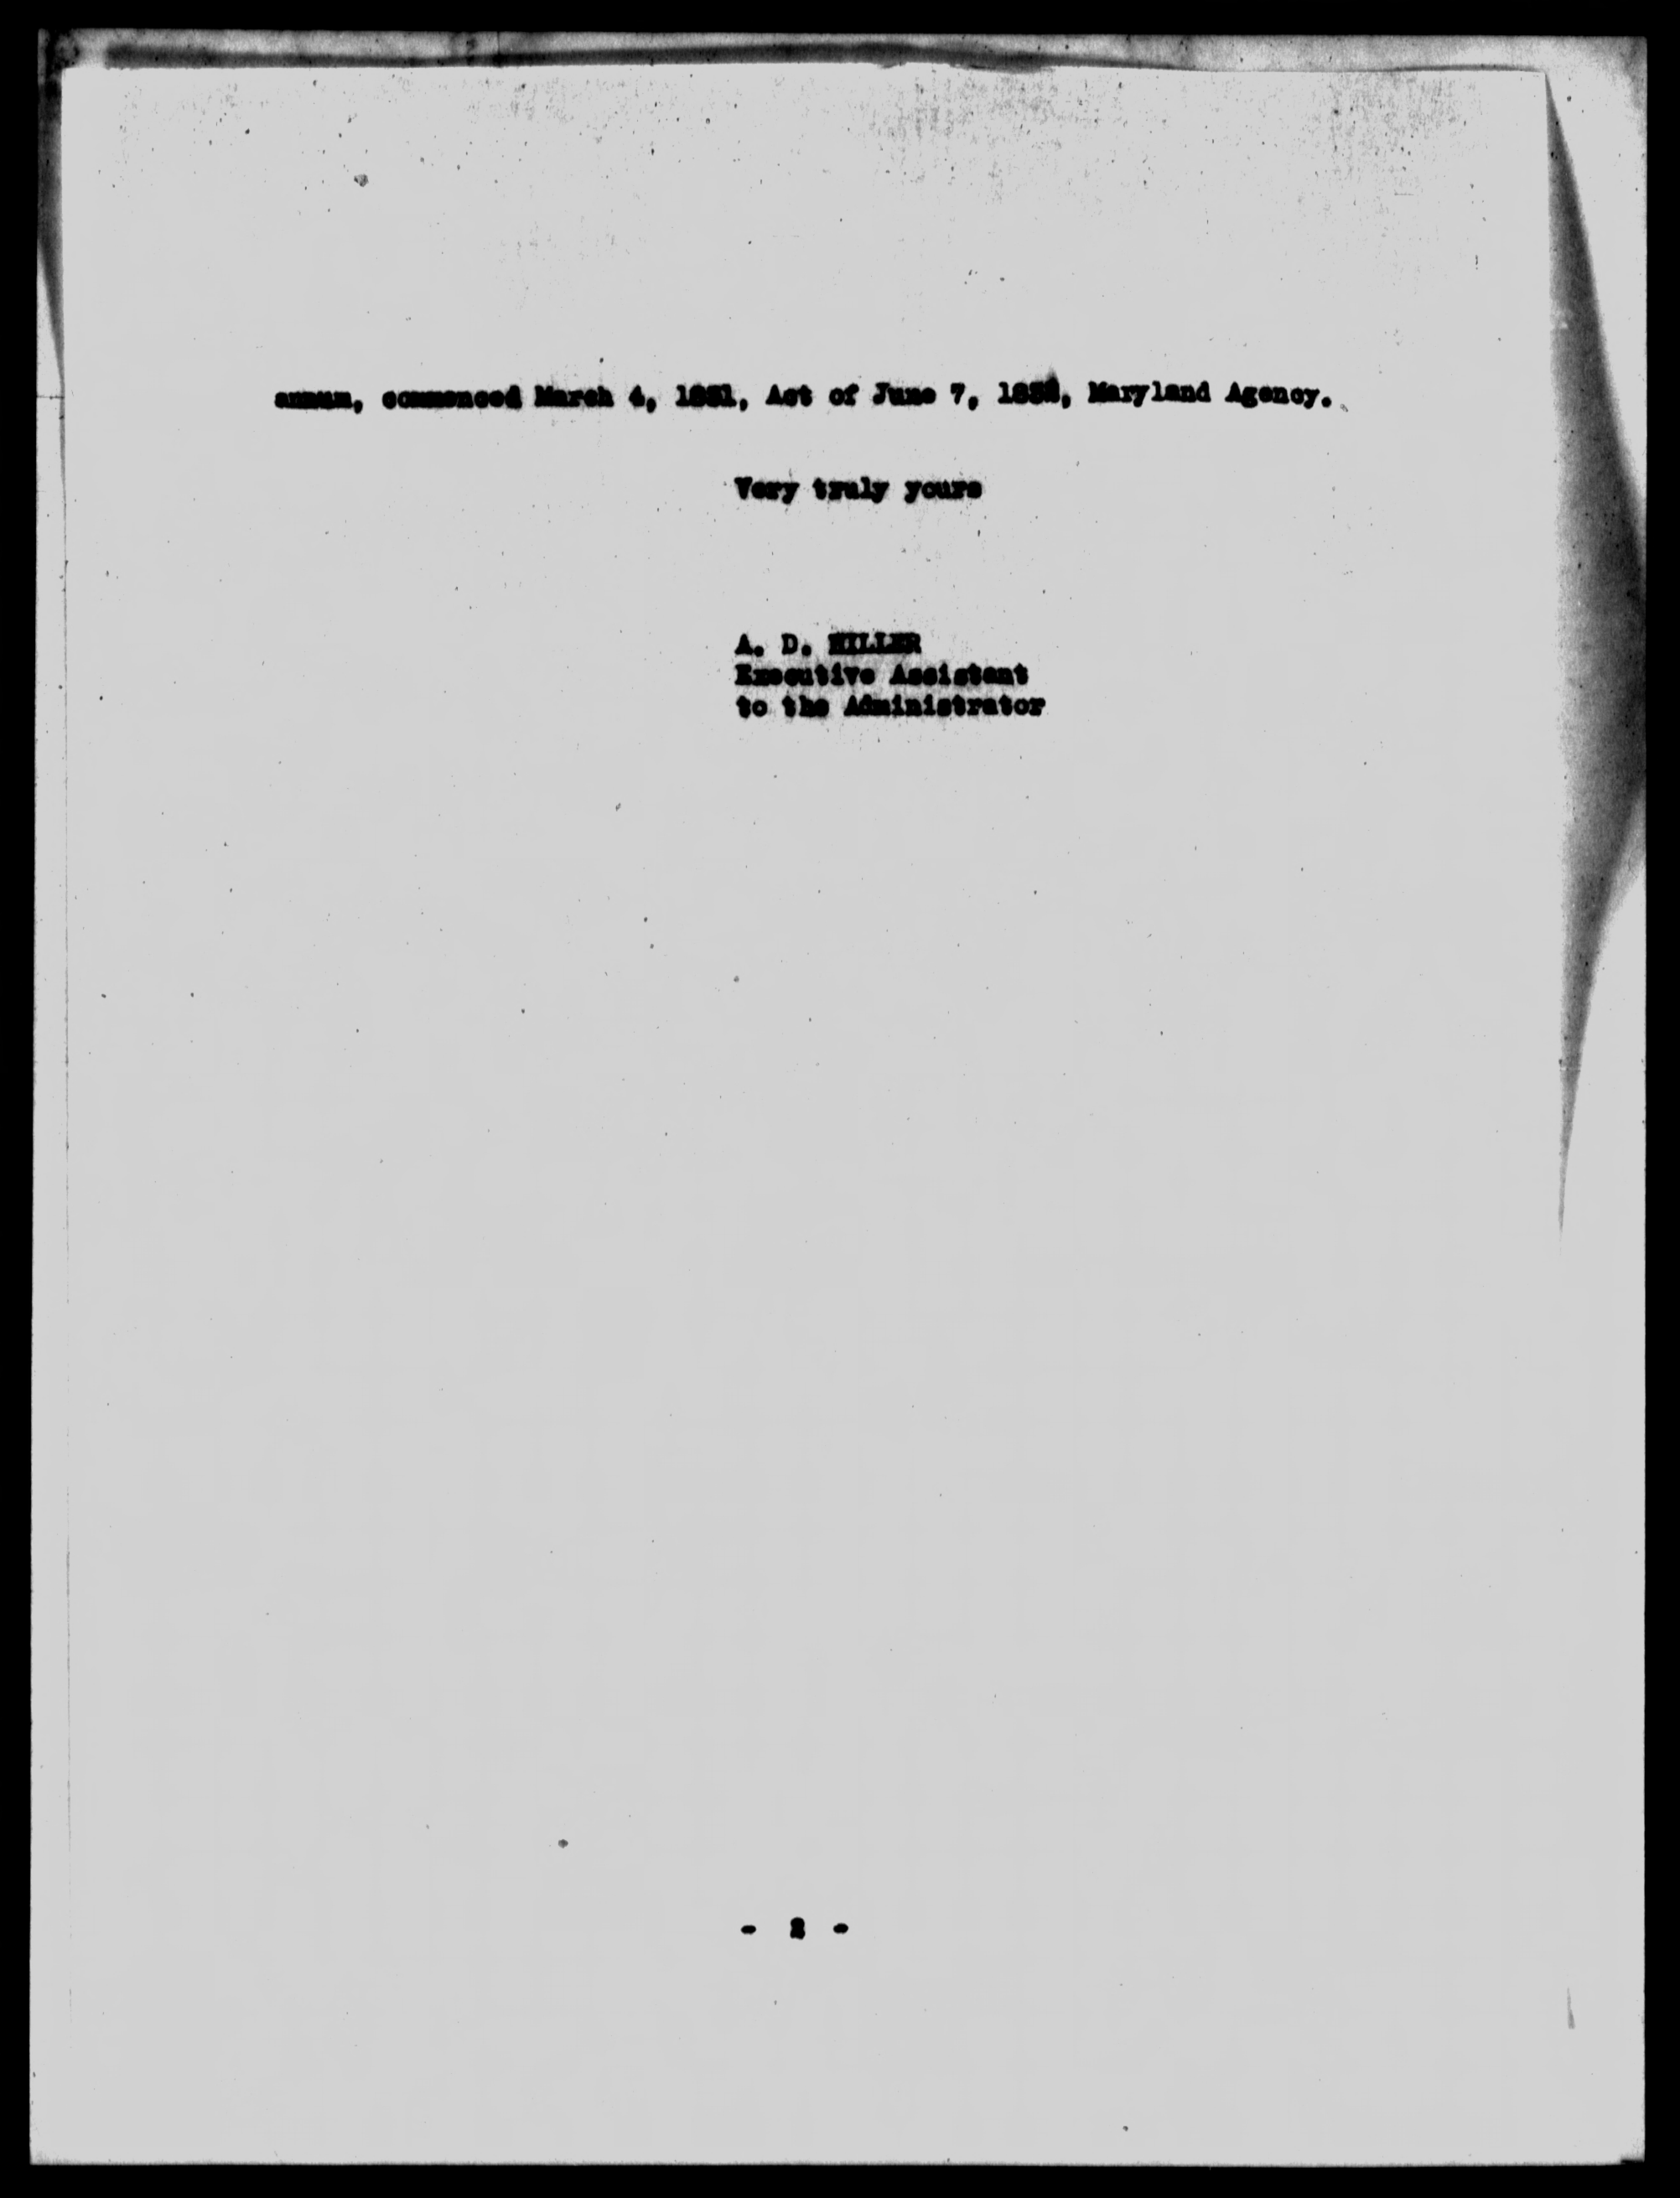annum, commenced March 4, 1831, Act of June 7, 1832, Maryland Agency.

Very truly yours

A. D. HILLER 
Executive Assistant 
to the Administrator


- 2 -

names: A D Hiller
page: 29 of 43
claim: survivor's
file: S. 15240, Thomas White, Md.